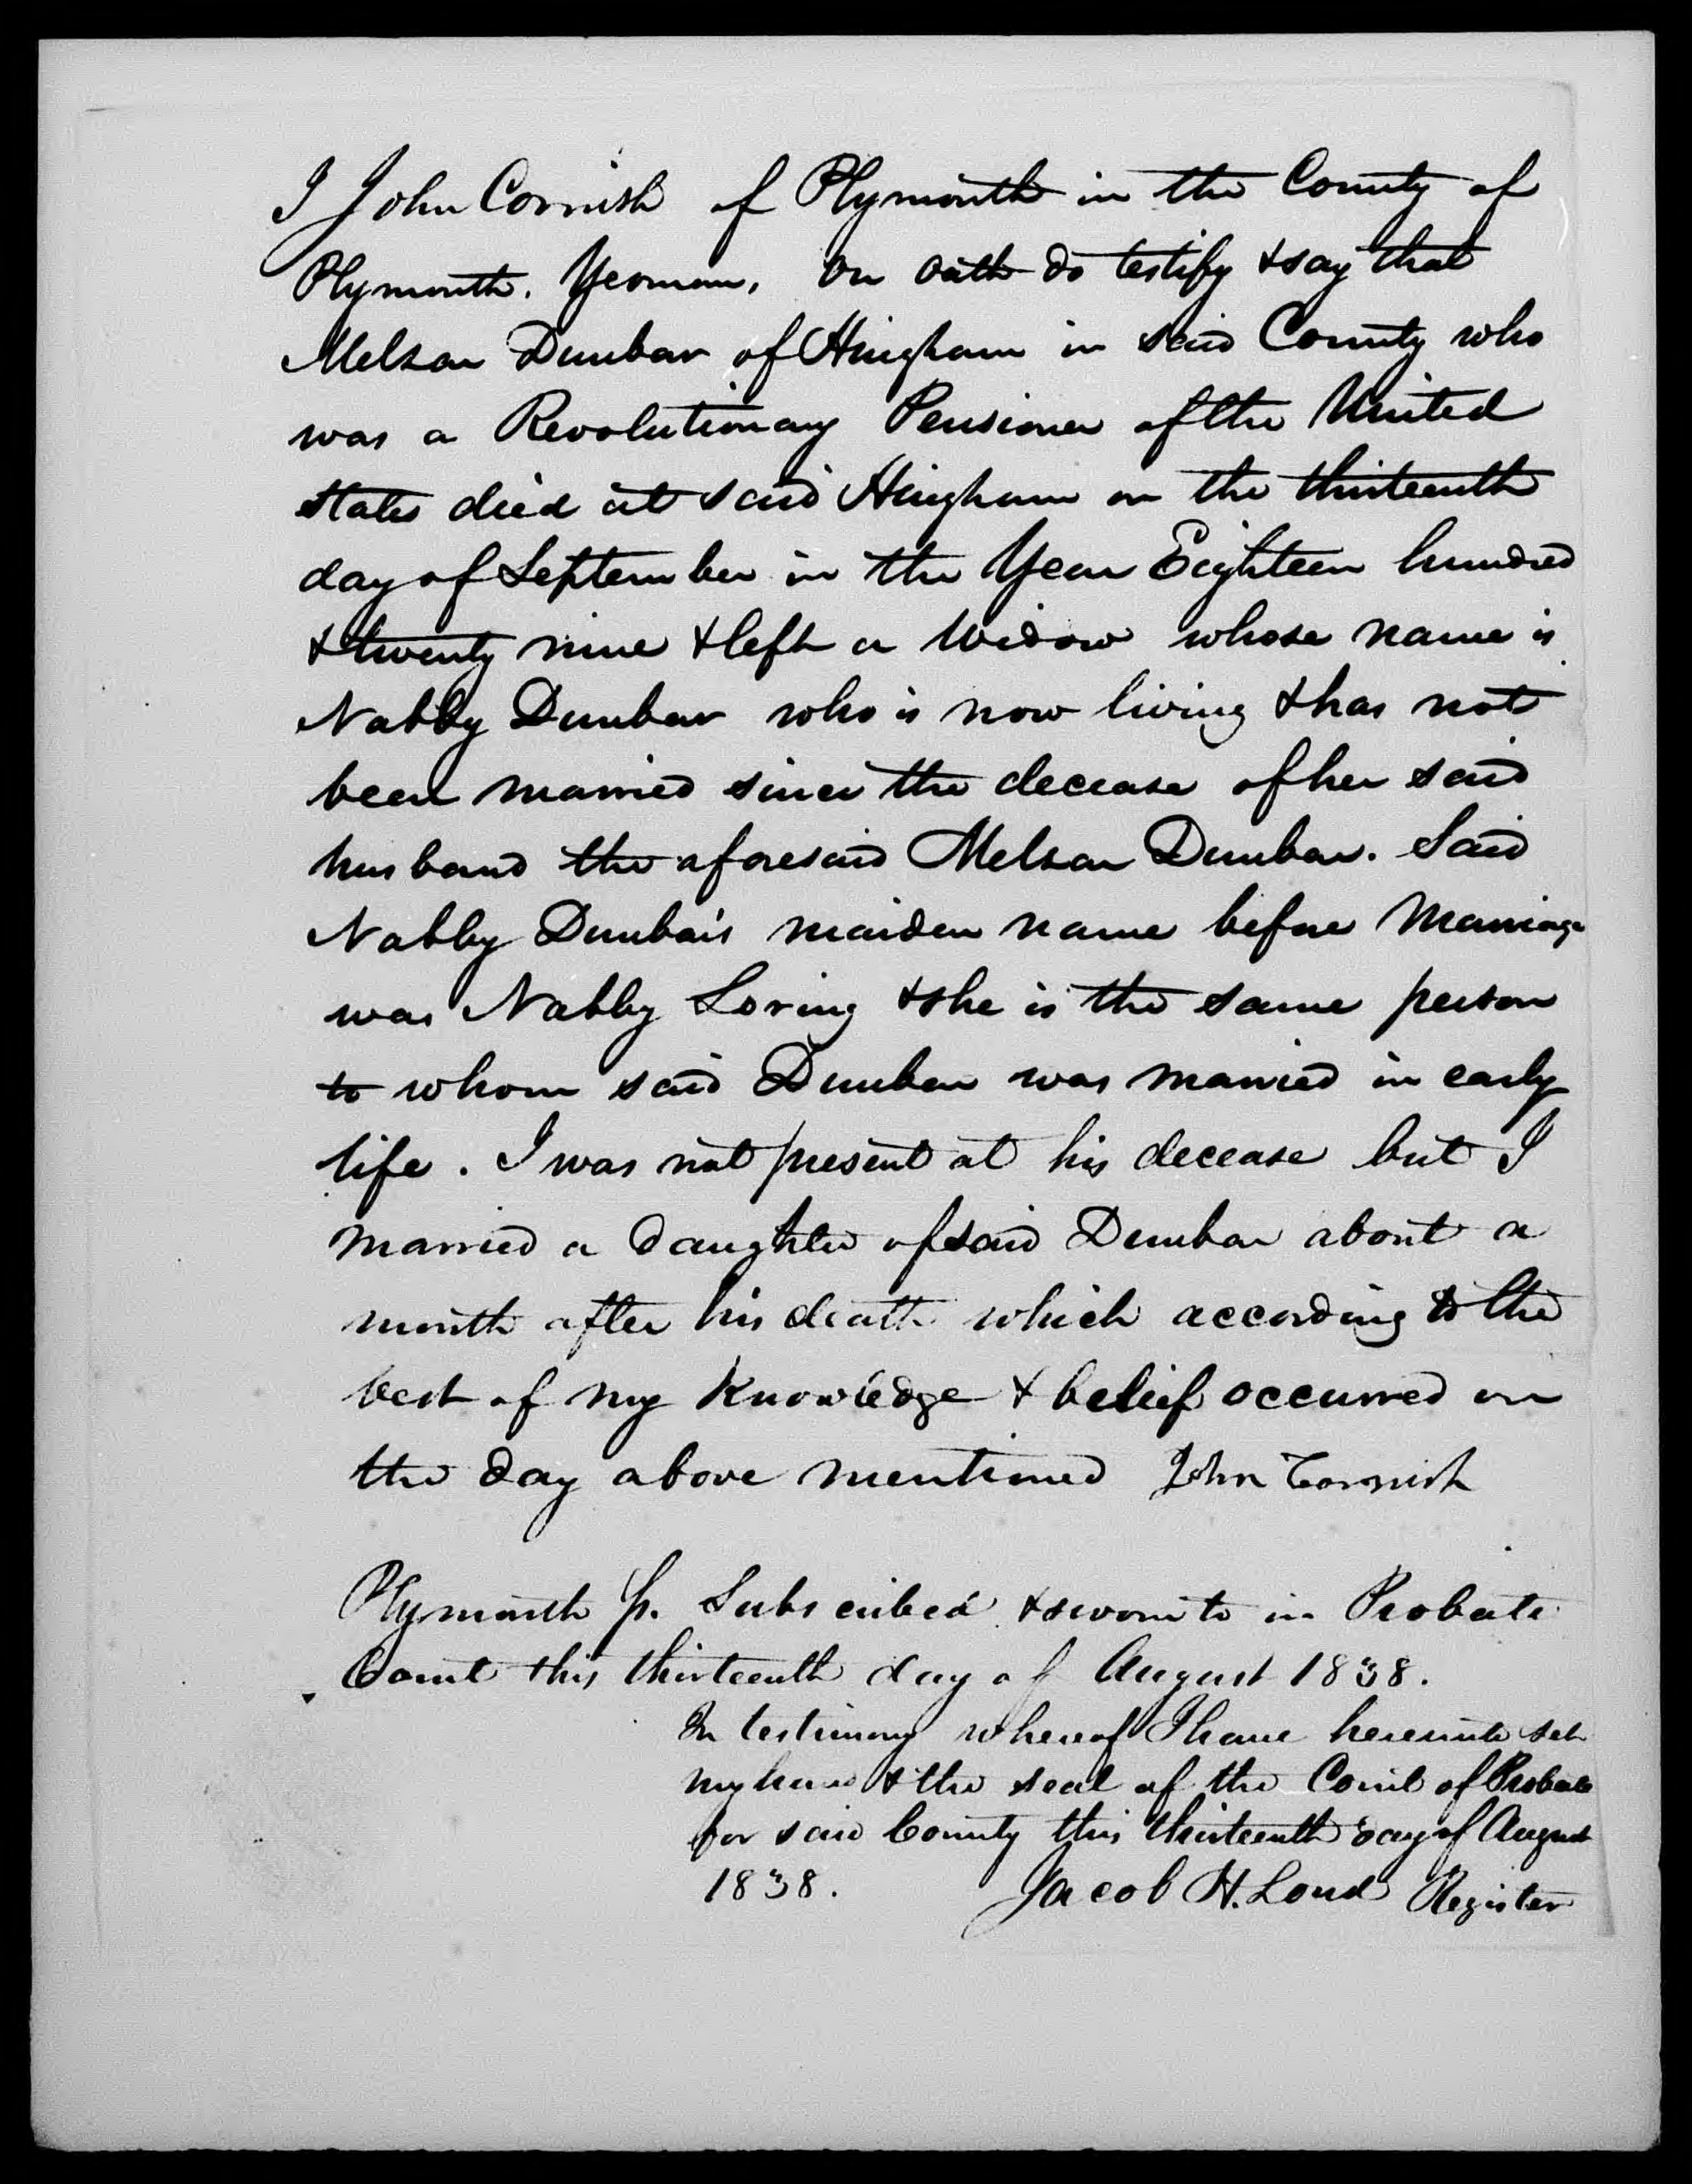I John Cornish of Plymouth in the County of Plymouth Yeoman, on oath do testify and say that Melzar Dunbar of Hingham in said County who was a Revolutionary Pensioner of the United States died at said Hingham on the thirteenth day of September in the Year Eighteen hundred and twenty nine and left a widow whose name is Nabby Dunbar who is now living and has not been married since the decease of her said husband the aforesaid Melzar Dunbar.  Said Nabby Dunbar's maiden name before marriage was Nabby Loring and she is the same person to whom said Dunbar was married in early life.  I was not present at his decease but I married a daughter of said Dunbar about a month after his death which according to the best of my knowledge and belief occurred on the day above mentioned.

John Cornish

Plymouth ss.  Subscribed and sworn to in Probate Court this thirteenth day of August 1838.

In testimony whereof I have hereunto set my hand and the seal of the Court of Probate for said County this thirteenth day of August 1838.

Jacob H. Loud Register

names: Melzar Dunbar, Dunbar, Jacob H Loud, Nabby Dunbar, Dunbar, Nabby Dunbar, John Cornish, Melzar Dunbar, Nabby Loring, John Cornish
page: 23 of 26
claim: widow's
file: W. 14657, Melzar Dunbar, Mass.